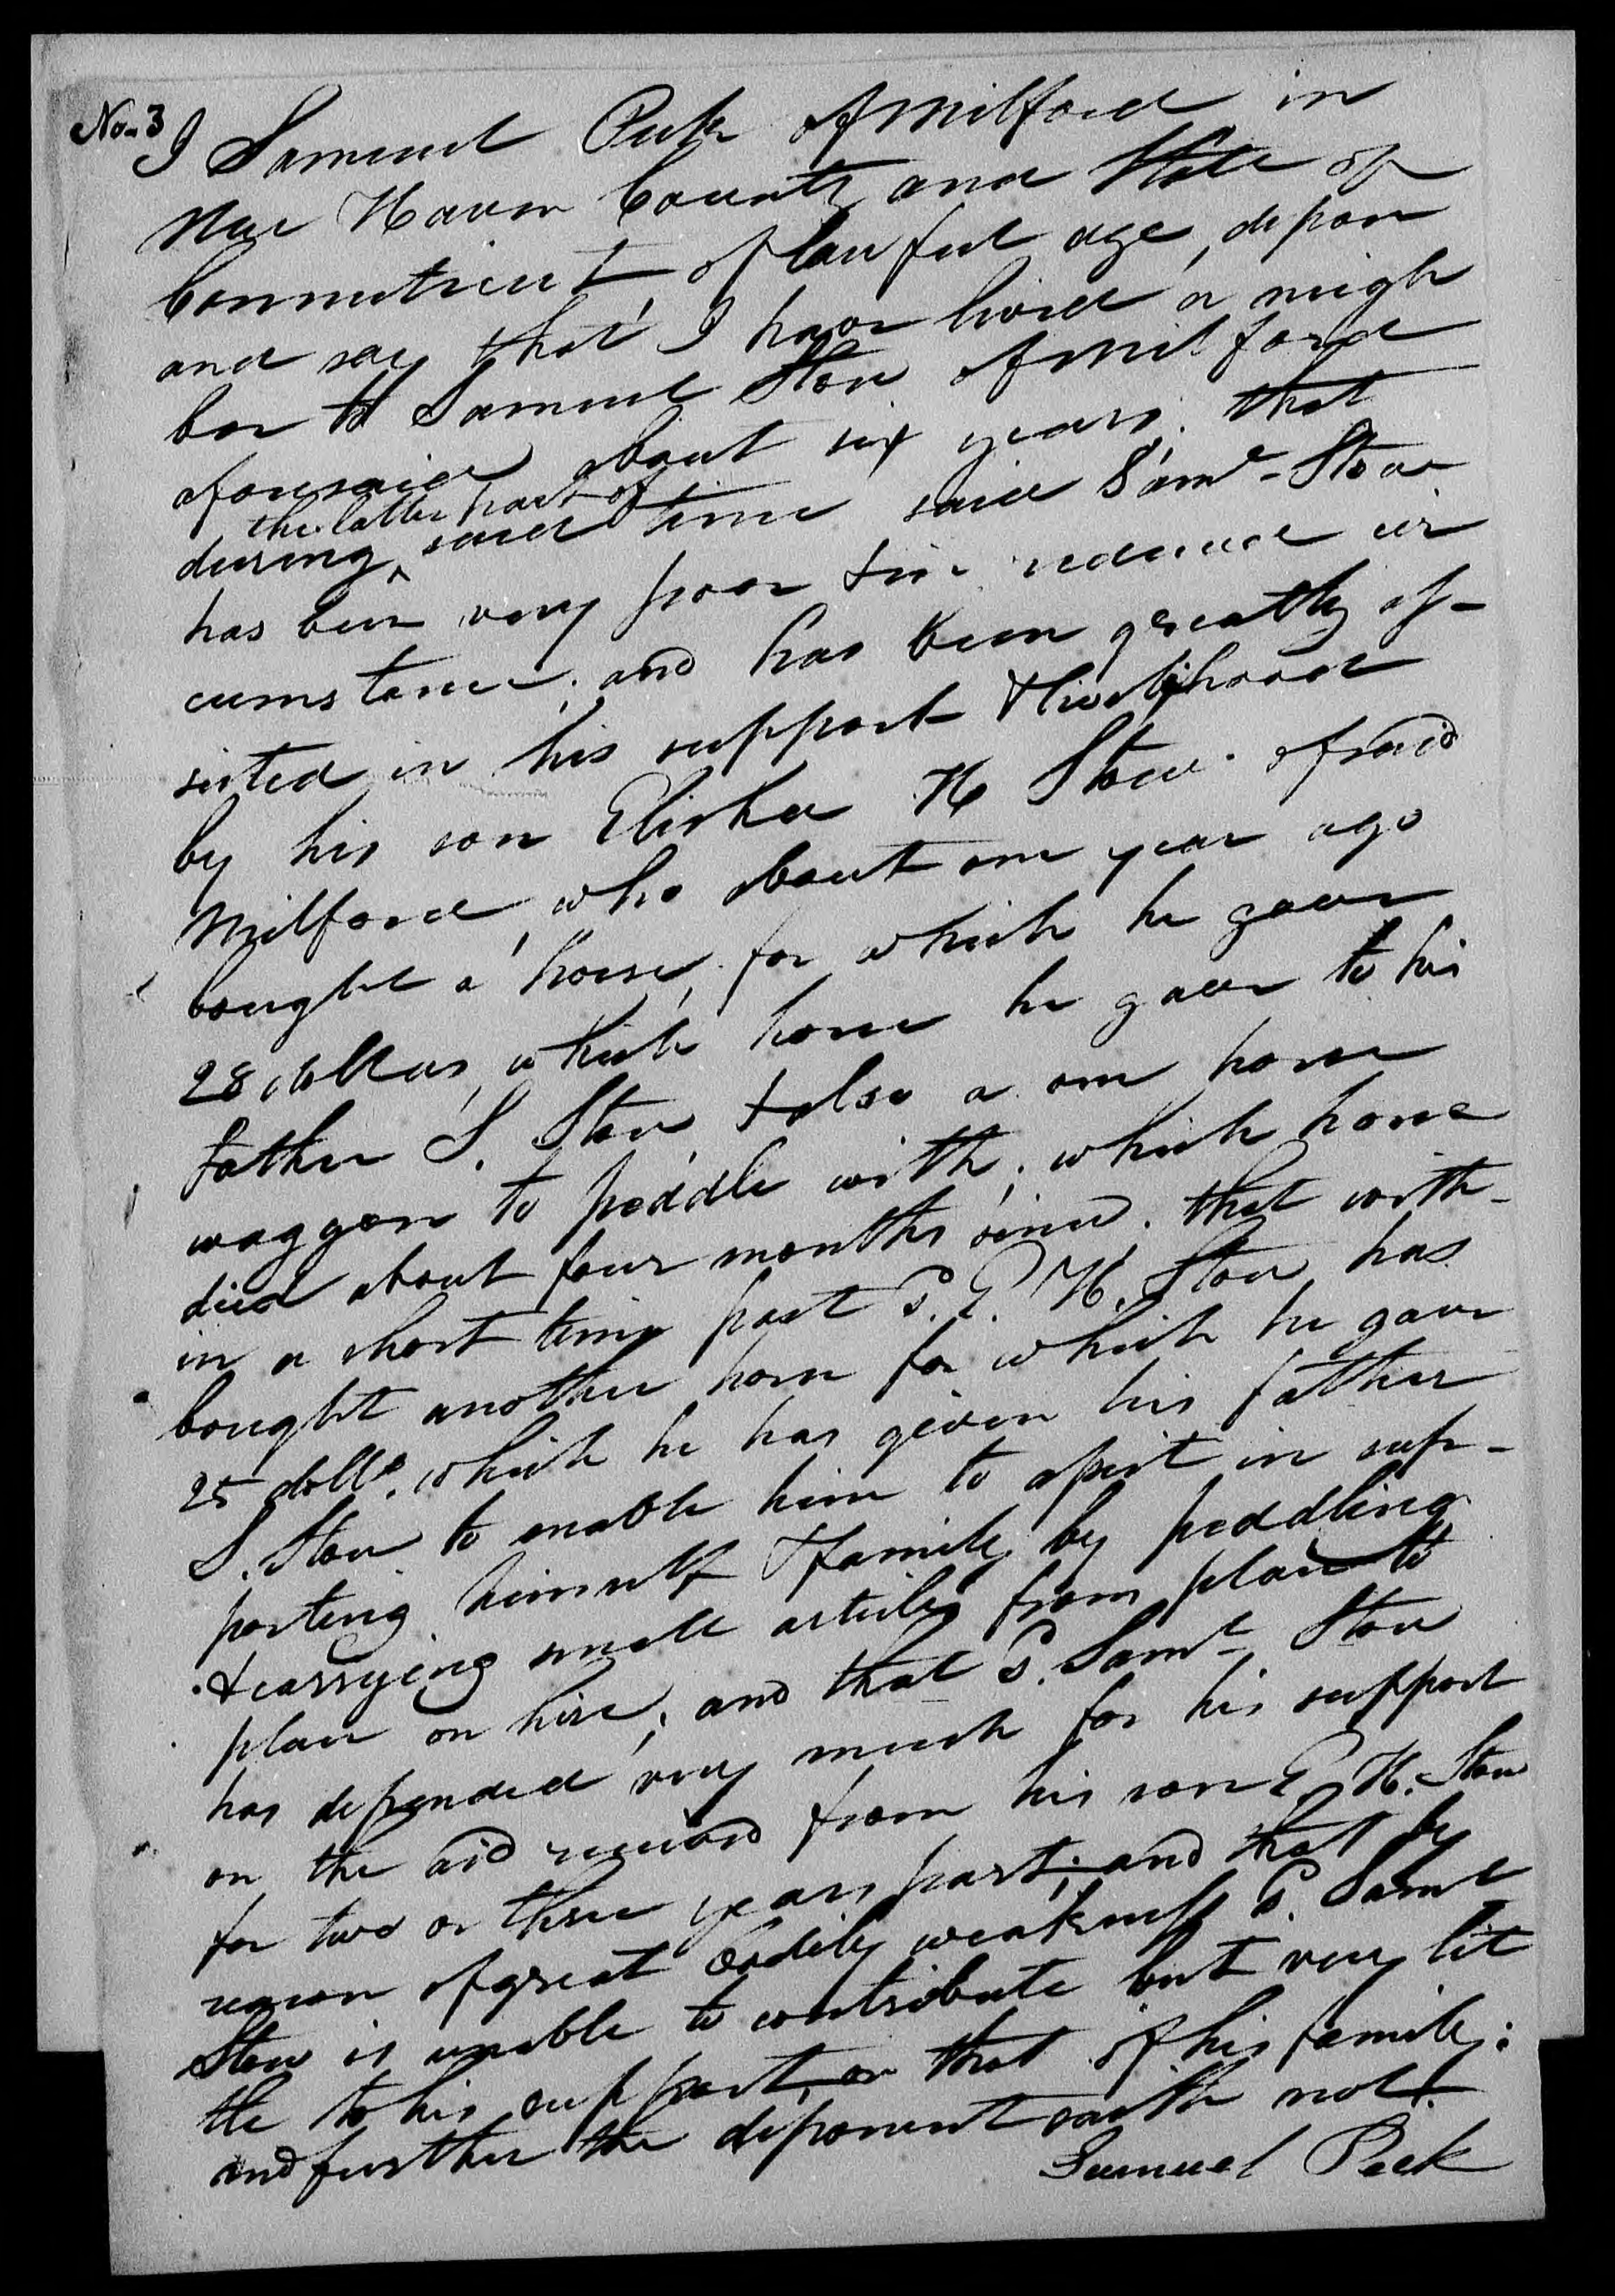No. 3
I, Samuel Peck of Milford in New Haven County and State of Connecticut, of lawful age, depose
and say that I have lived as neighbor to Samuel Stow of Milford aforesaid, about six years; that during the latter part of said time said Sam'l Stow has been very poor & in reduced
circumstances and has been greatly assisted
in his support & livelihood by his son Elisha
H. Stow of said Milford who about one year ago bought a horse, for which he gave 28 dollars, which horse he gave to his Father, S. Stow, & also a one-horse waggon to peddle with, which horse died about four months since.  That within a short time past, said E. H. Stow, has bought another horse for which he gave 25 dollars, which he has given his father, S. Stow, to enable him to assist in supporting himself & family by peddling and carrying small articles from place to place on hire; and that said Sam'l Stow has depended very much for his support on the aid received from his son, E.H. Stow, for two or three years past; and 
that by reason of great bodily weakness, said Sam'l Stow is unable to contribute but very little to his support or that of his family:
and further the deponent saith not.
[signed] Samuel Peck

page: 22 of 42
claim: survivor's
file: S. 36,819, for Samuel Stow, Connecticut